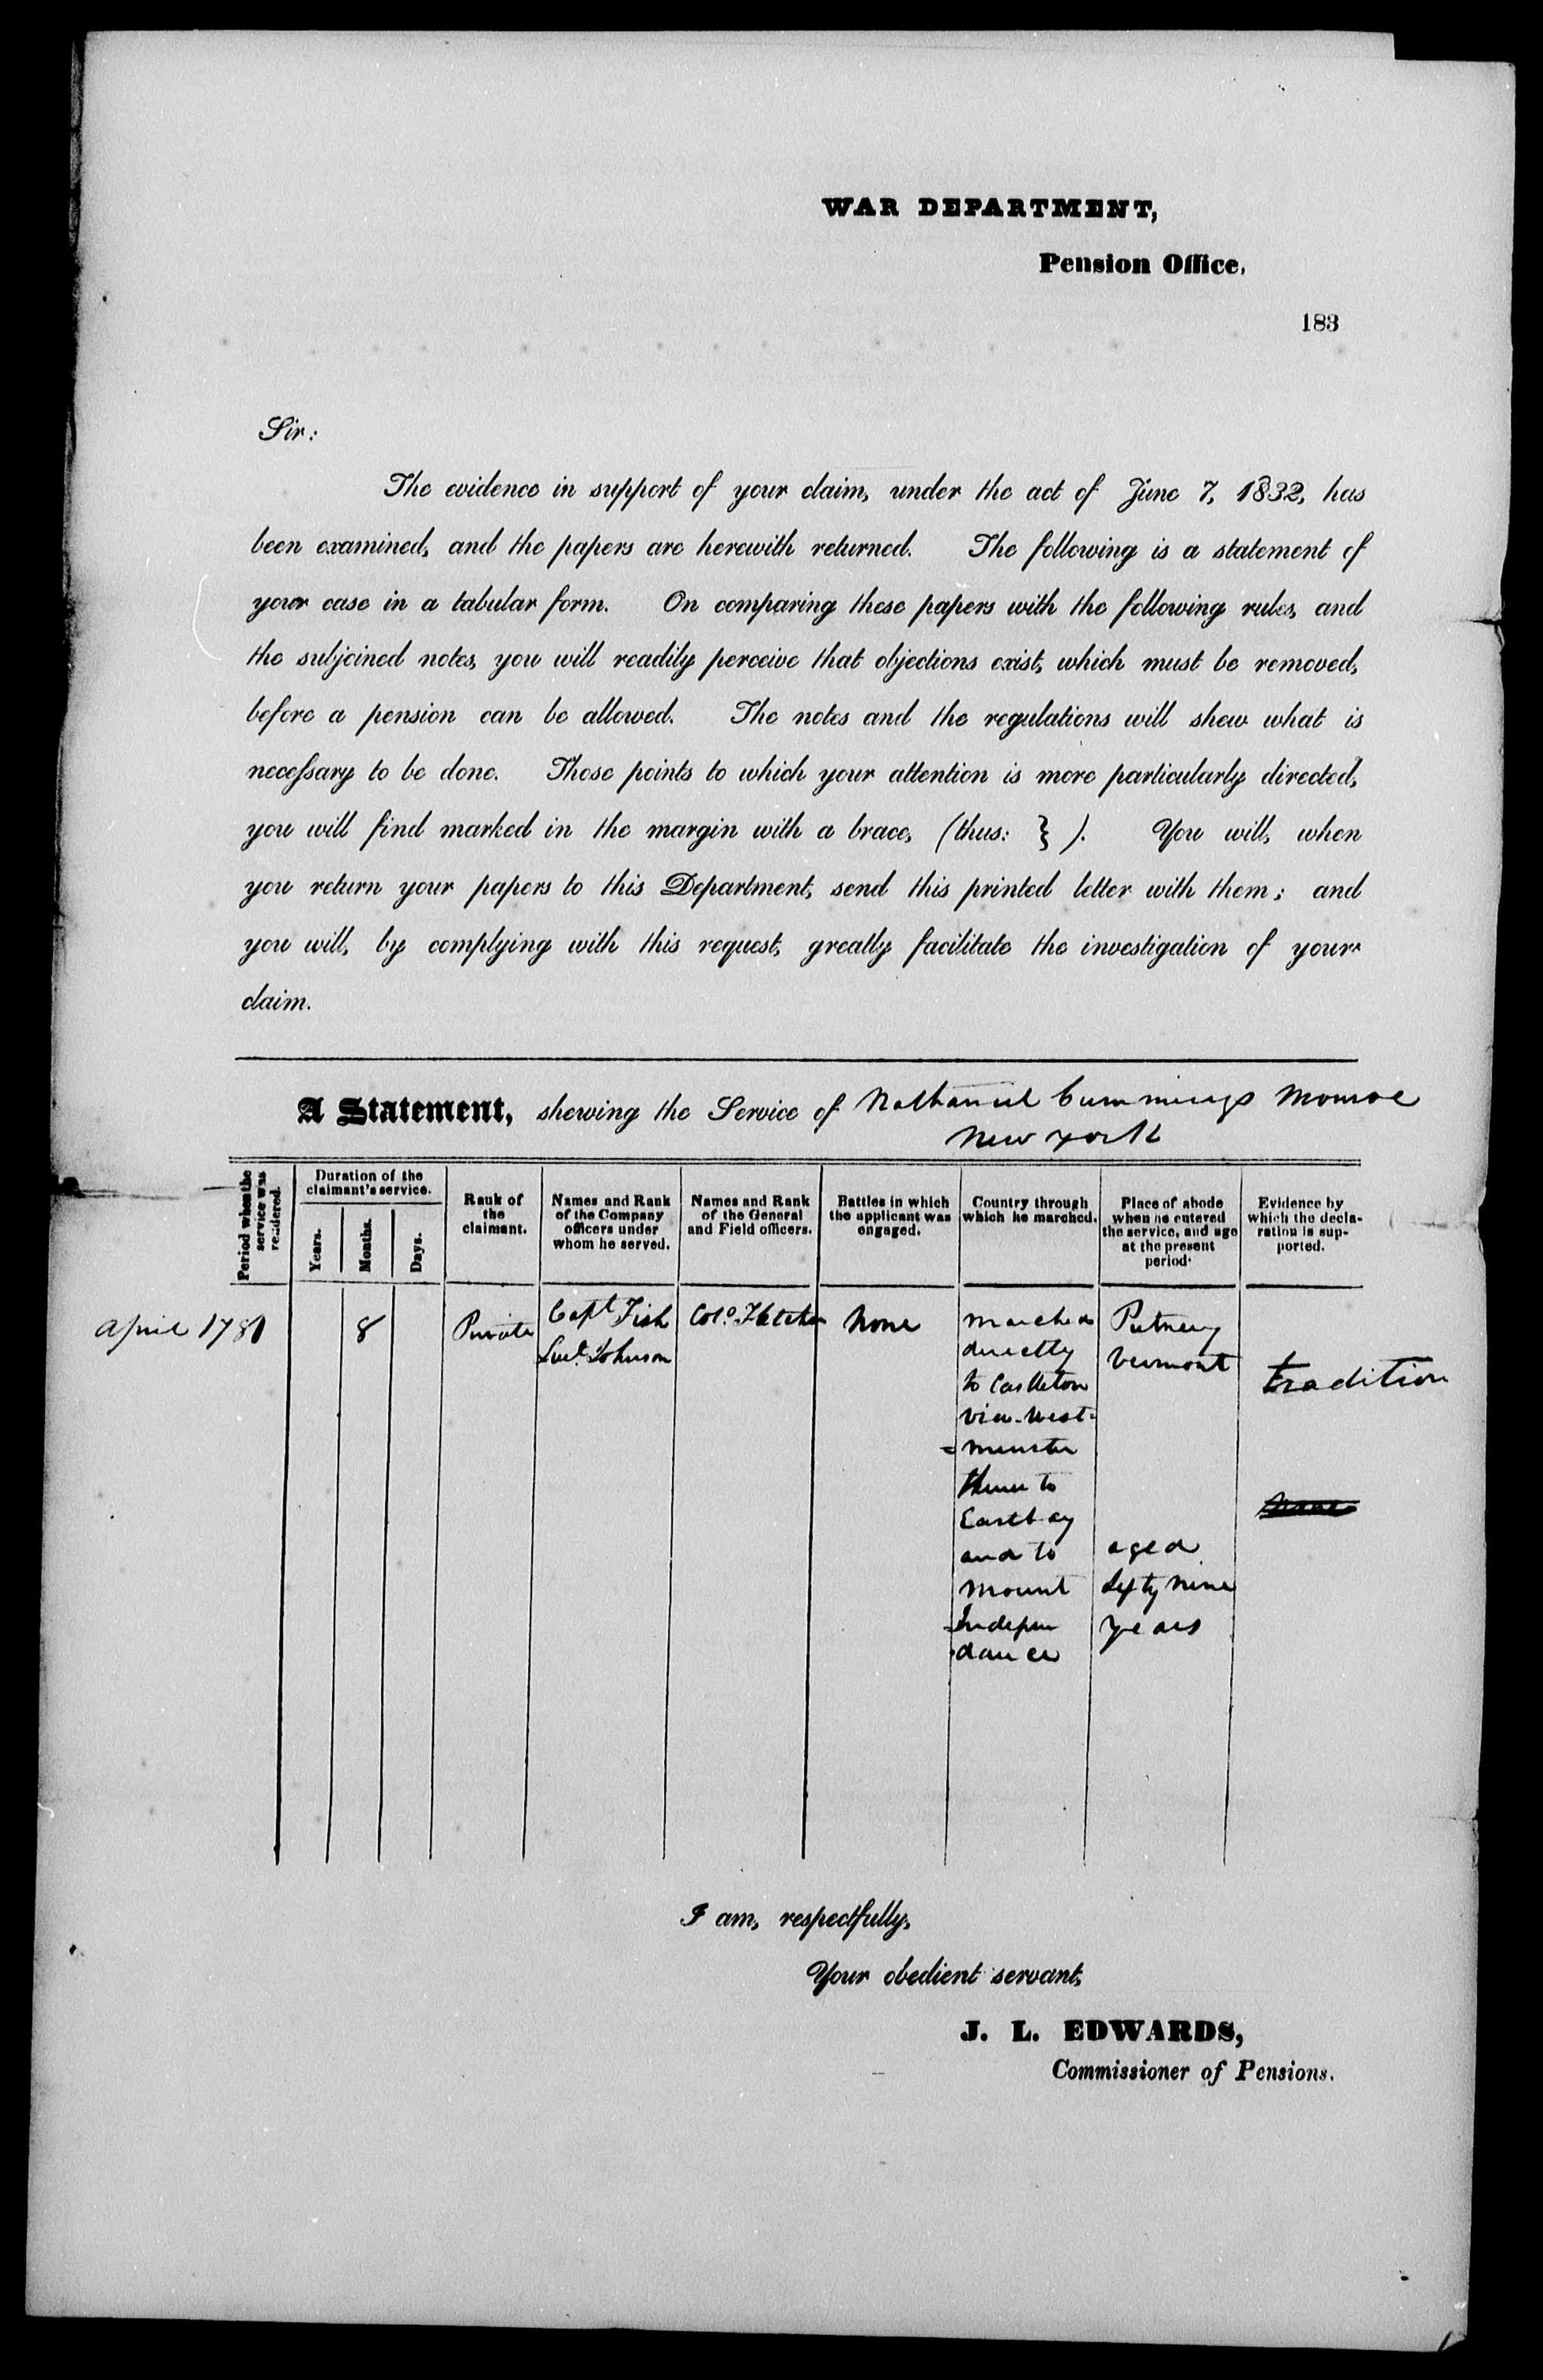WAR DEPARTMENT.
Pension Office,
183
Sir:

The evidence in support of your claim, under the act of June 7, 1832, has
been examined, and the papers are herewith returned. The following is a statement of
your case in a tabular form. On comparing these papers with the following rules, and
the subjoined notes, you will readily perceive that objections exist, which must be removed,
before a pension can be allowed. The notes and the regulations will show what is
necessary to be done. Those points to which your attention is more particularly directed,
you will find marked in the margin with a brace, (thus: }). You will, when
you return your papers to this Department, send this printed letter with them; and
you will, by complying with this request, greatly facilitate the investigation of your
claim.
________
A Statement, showing the service of Nathaniel Cummings Monroe
New York
Period when the service was rendered.| duration of claimant's service.| Years. Months. Days.| Rank of the claimant. |Names and Rank of the Company Officers under whom he served.| Names and Rank of the General and Field Officers.| Battles in which the applicant was engaged.| Country through which he marched.| Place of abode when he entered the service, and age at the present period.| Evidence by which the declaration is supported.
________________________________________
April 1781| - 8 -| Private| Capt Fisk Luet. Johnson| Col. Fletcher| None| Marched directly to Castleton view muster then to Eastbay and to Mount Independence| Putnery Vermont aged sixty nine years| tradition

I am, respectfully,
Your obedient servant,
J. L. EDWARDS,
Commissioner of Pensions.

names: Johnson, J L Edwards, Fletcher, Fish, Nathaniel Cummings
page: 14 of 41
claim: widow's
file: W. 9819, Nathaniel Cumings, Vt.